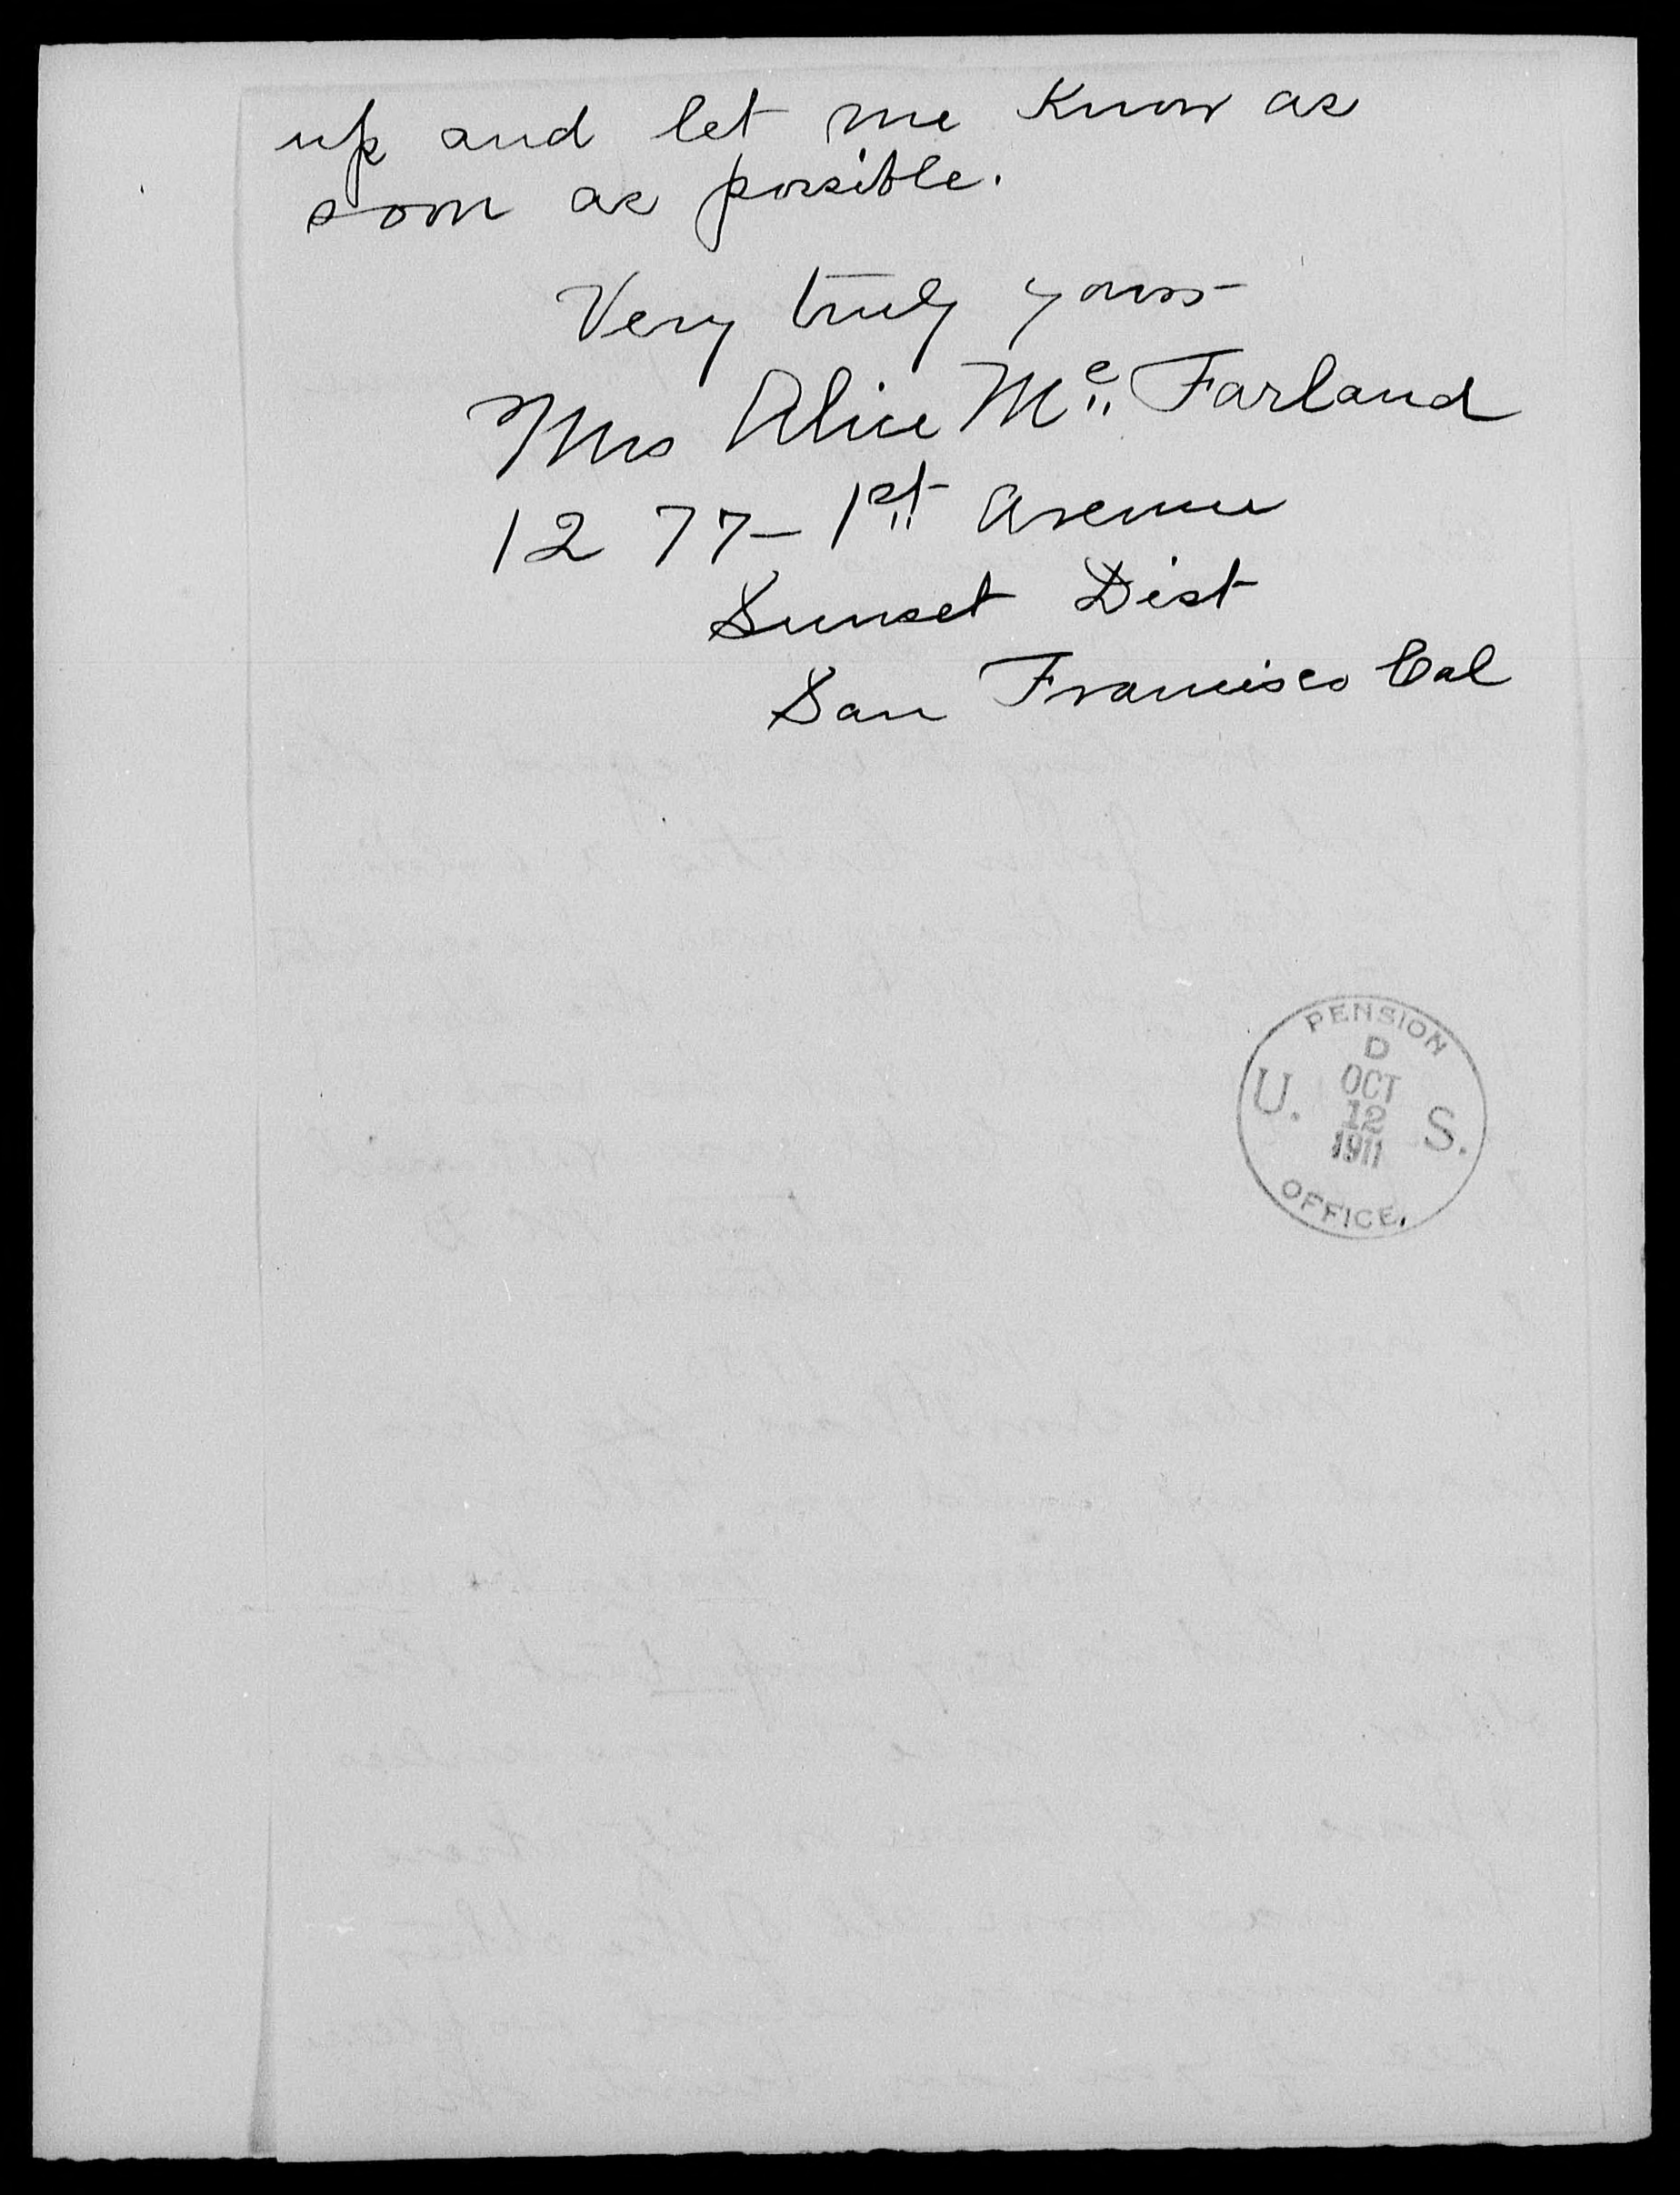up and let me know as 
soon as possible.

Very truly yours-
Mrs Alice Mc.Farland
1277 1st Avenue
San Francisco Cal

(stamp)
US Pension Office
Oct 12 1911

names: Alice Mc Farland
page: 20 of 26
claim: survivor's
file: S. 34,725, John Curtis, Md.